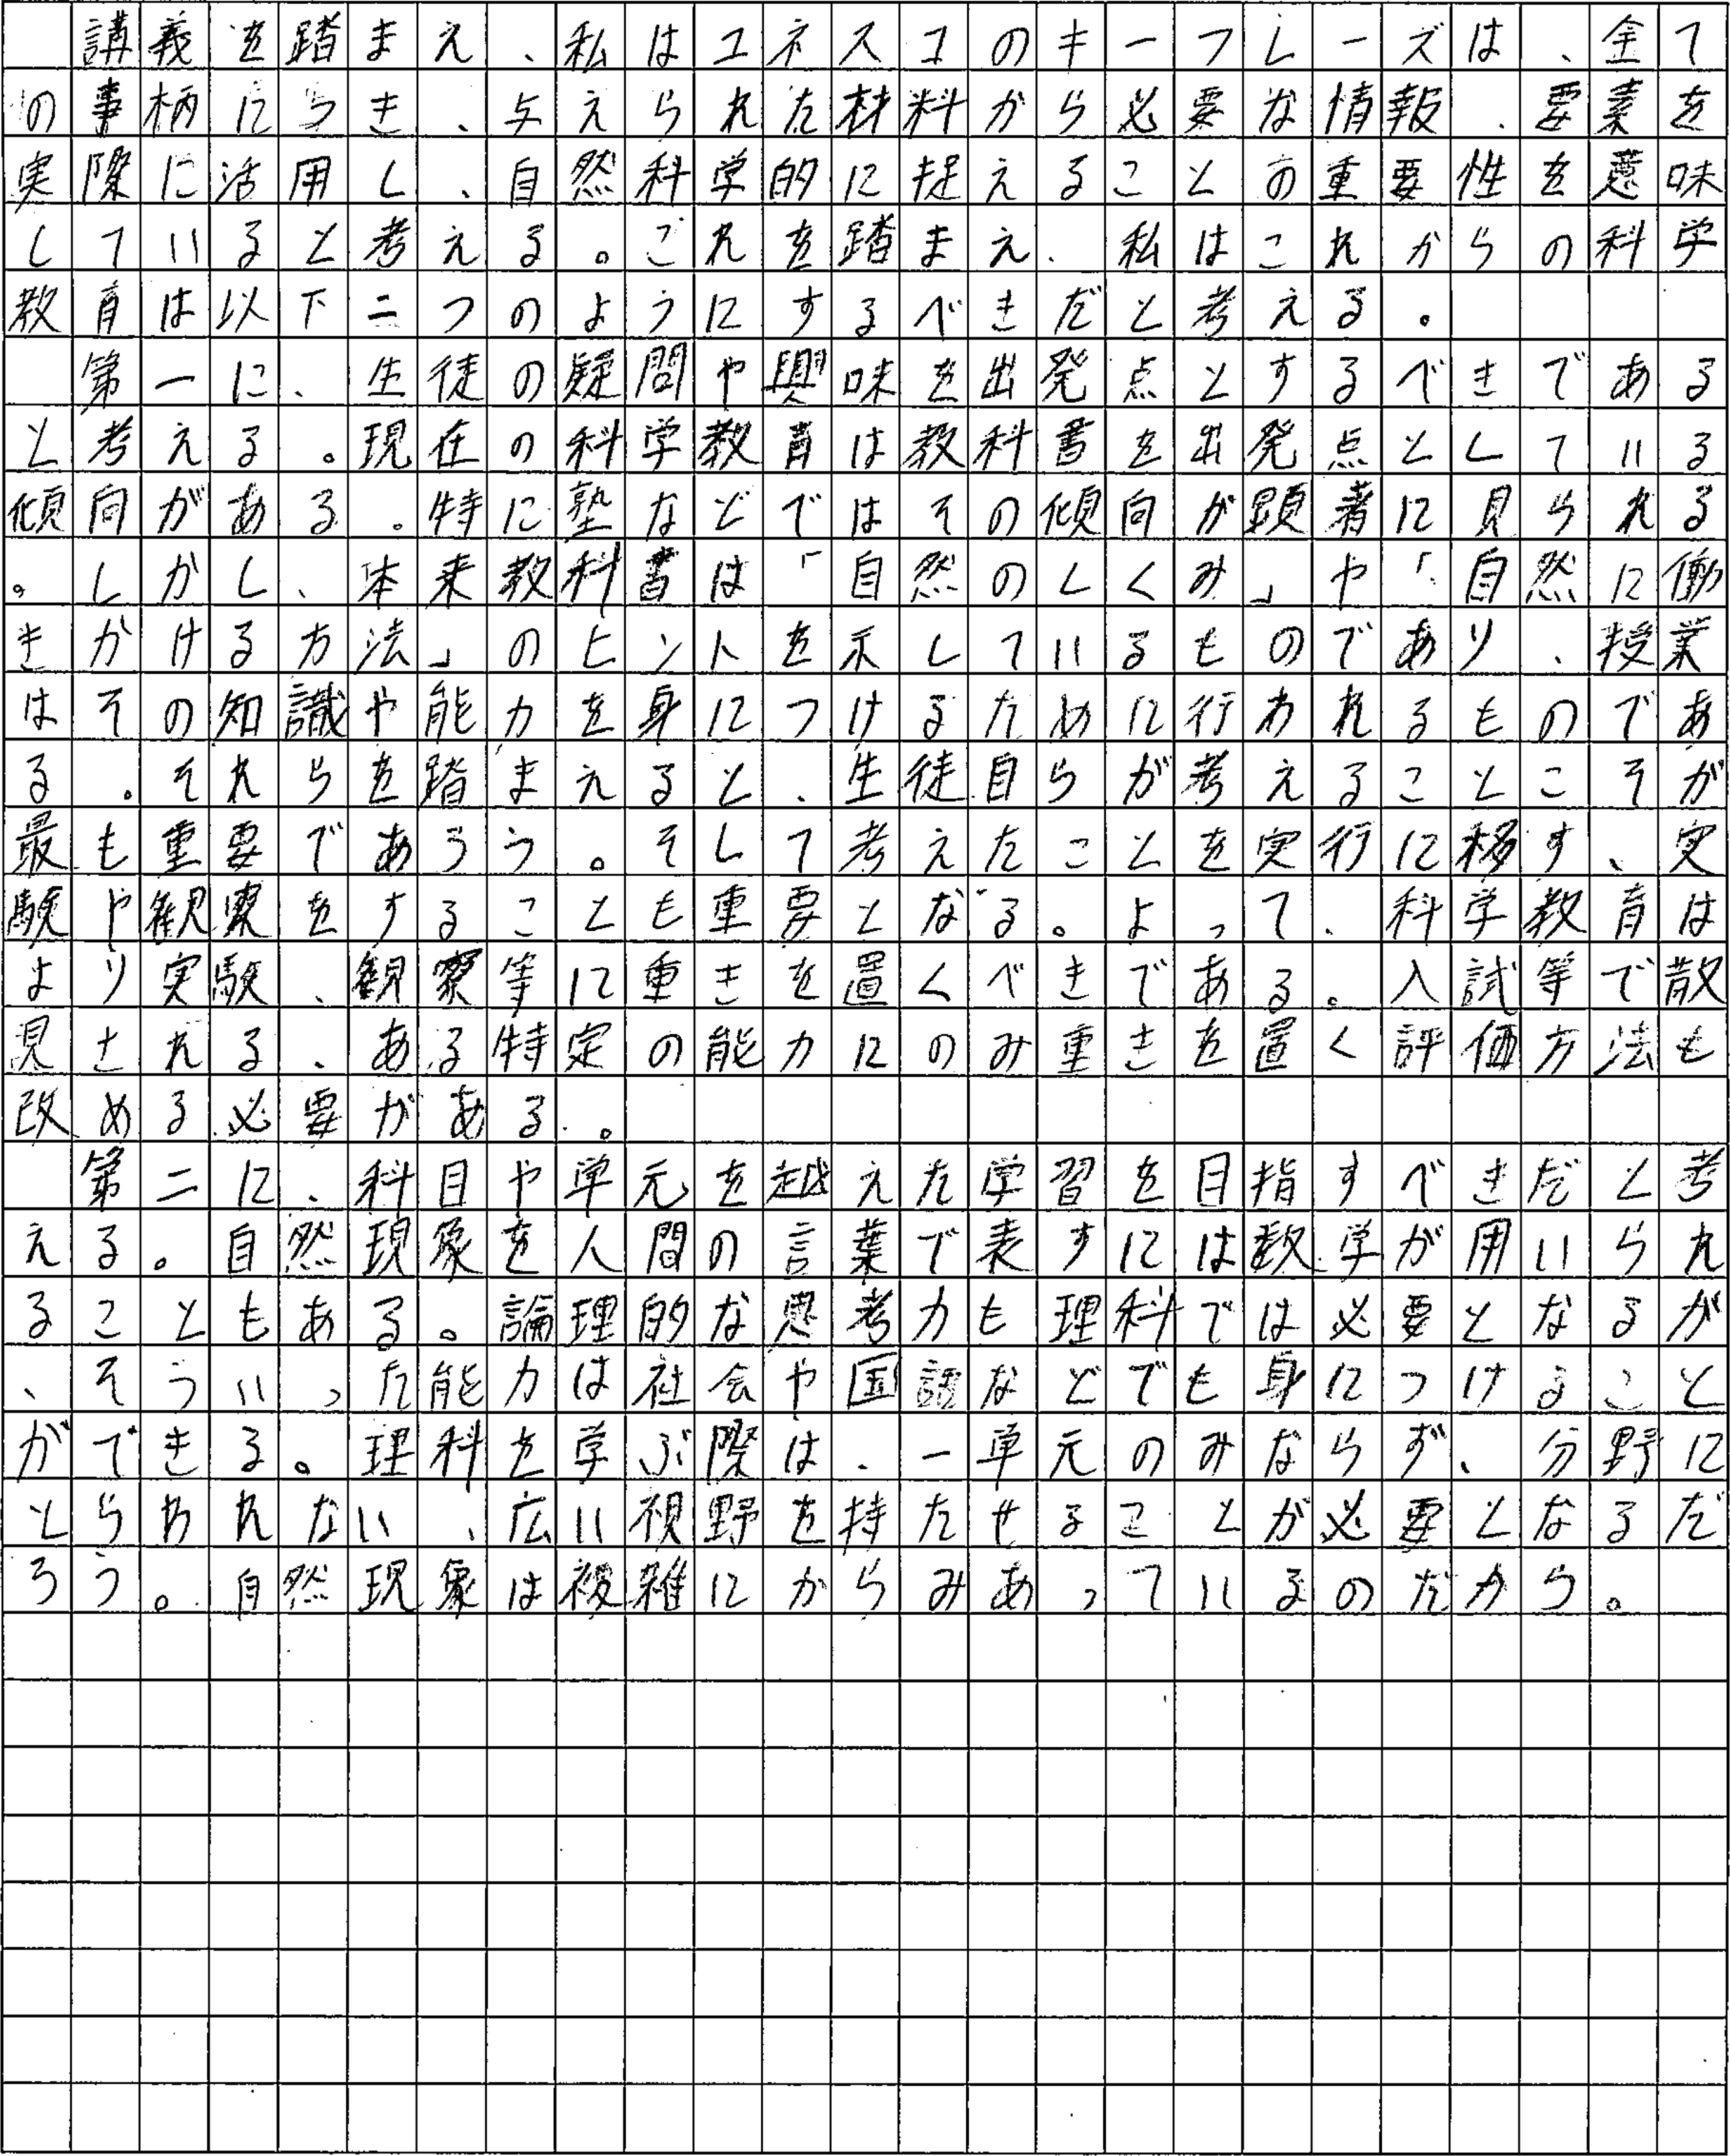　講義を踏まえ、私はユネスコのキーフレーズは、全ての事柄につき、与えられた材料から必要な情報、要素を実際に活用し、自然科学的に捉えることの重要性を意味していると考える。これを踏まえ、私はこれからの科学教育は以下二つのようにするべきだと考える。
　第一に、生徒の疑問や興味を出発点とするべきであると考える。現在の科学教育は教科書を出発点としている傾向がある。特に塾などではその傾向が顕著に見られる。しかし、本来教科書は「自然のしくみ」や「自然に働きかける方法」のヒントを示しているものであり、授業はその知識や能力を身につけるために行われるものである。それらを踏まえると、生徒自らが考えることこそが最も重要であろう。そして考えたことを実行に移す、実験や観察をすることも重要となる。よって、科学教育はより実験、観察等に重きを置くべきである。入試等で散見される、ある特定の能力にのみ重きを置く評価方法も改める必要がある。
　第二に、科目や単元を超えた学習を目指すべきだと考える。自然現象を人間の言葉で表すには数学が用いられることもある。論理的な思考力も理科では必要となるが、そういった能力は社会や国語などでも身につけることができる。理科を学ぶ際は、一単元のみならず、分野にとらわれない、広い視野を持たせることが必要となるだろう。自然現象は複雑にからみあっているのだから。
